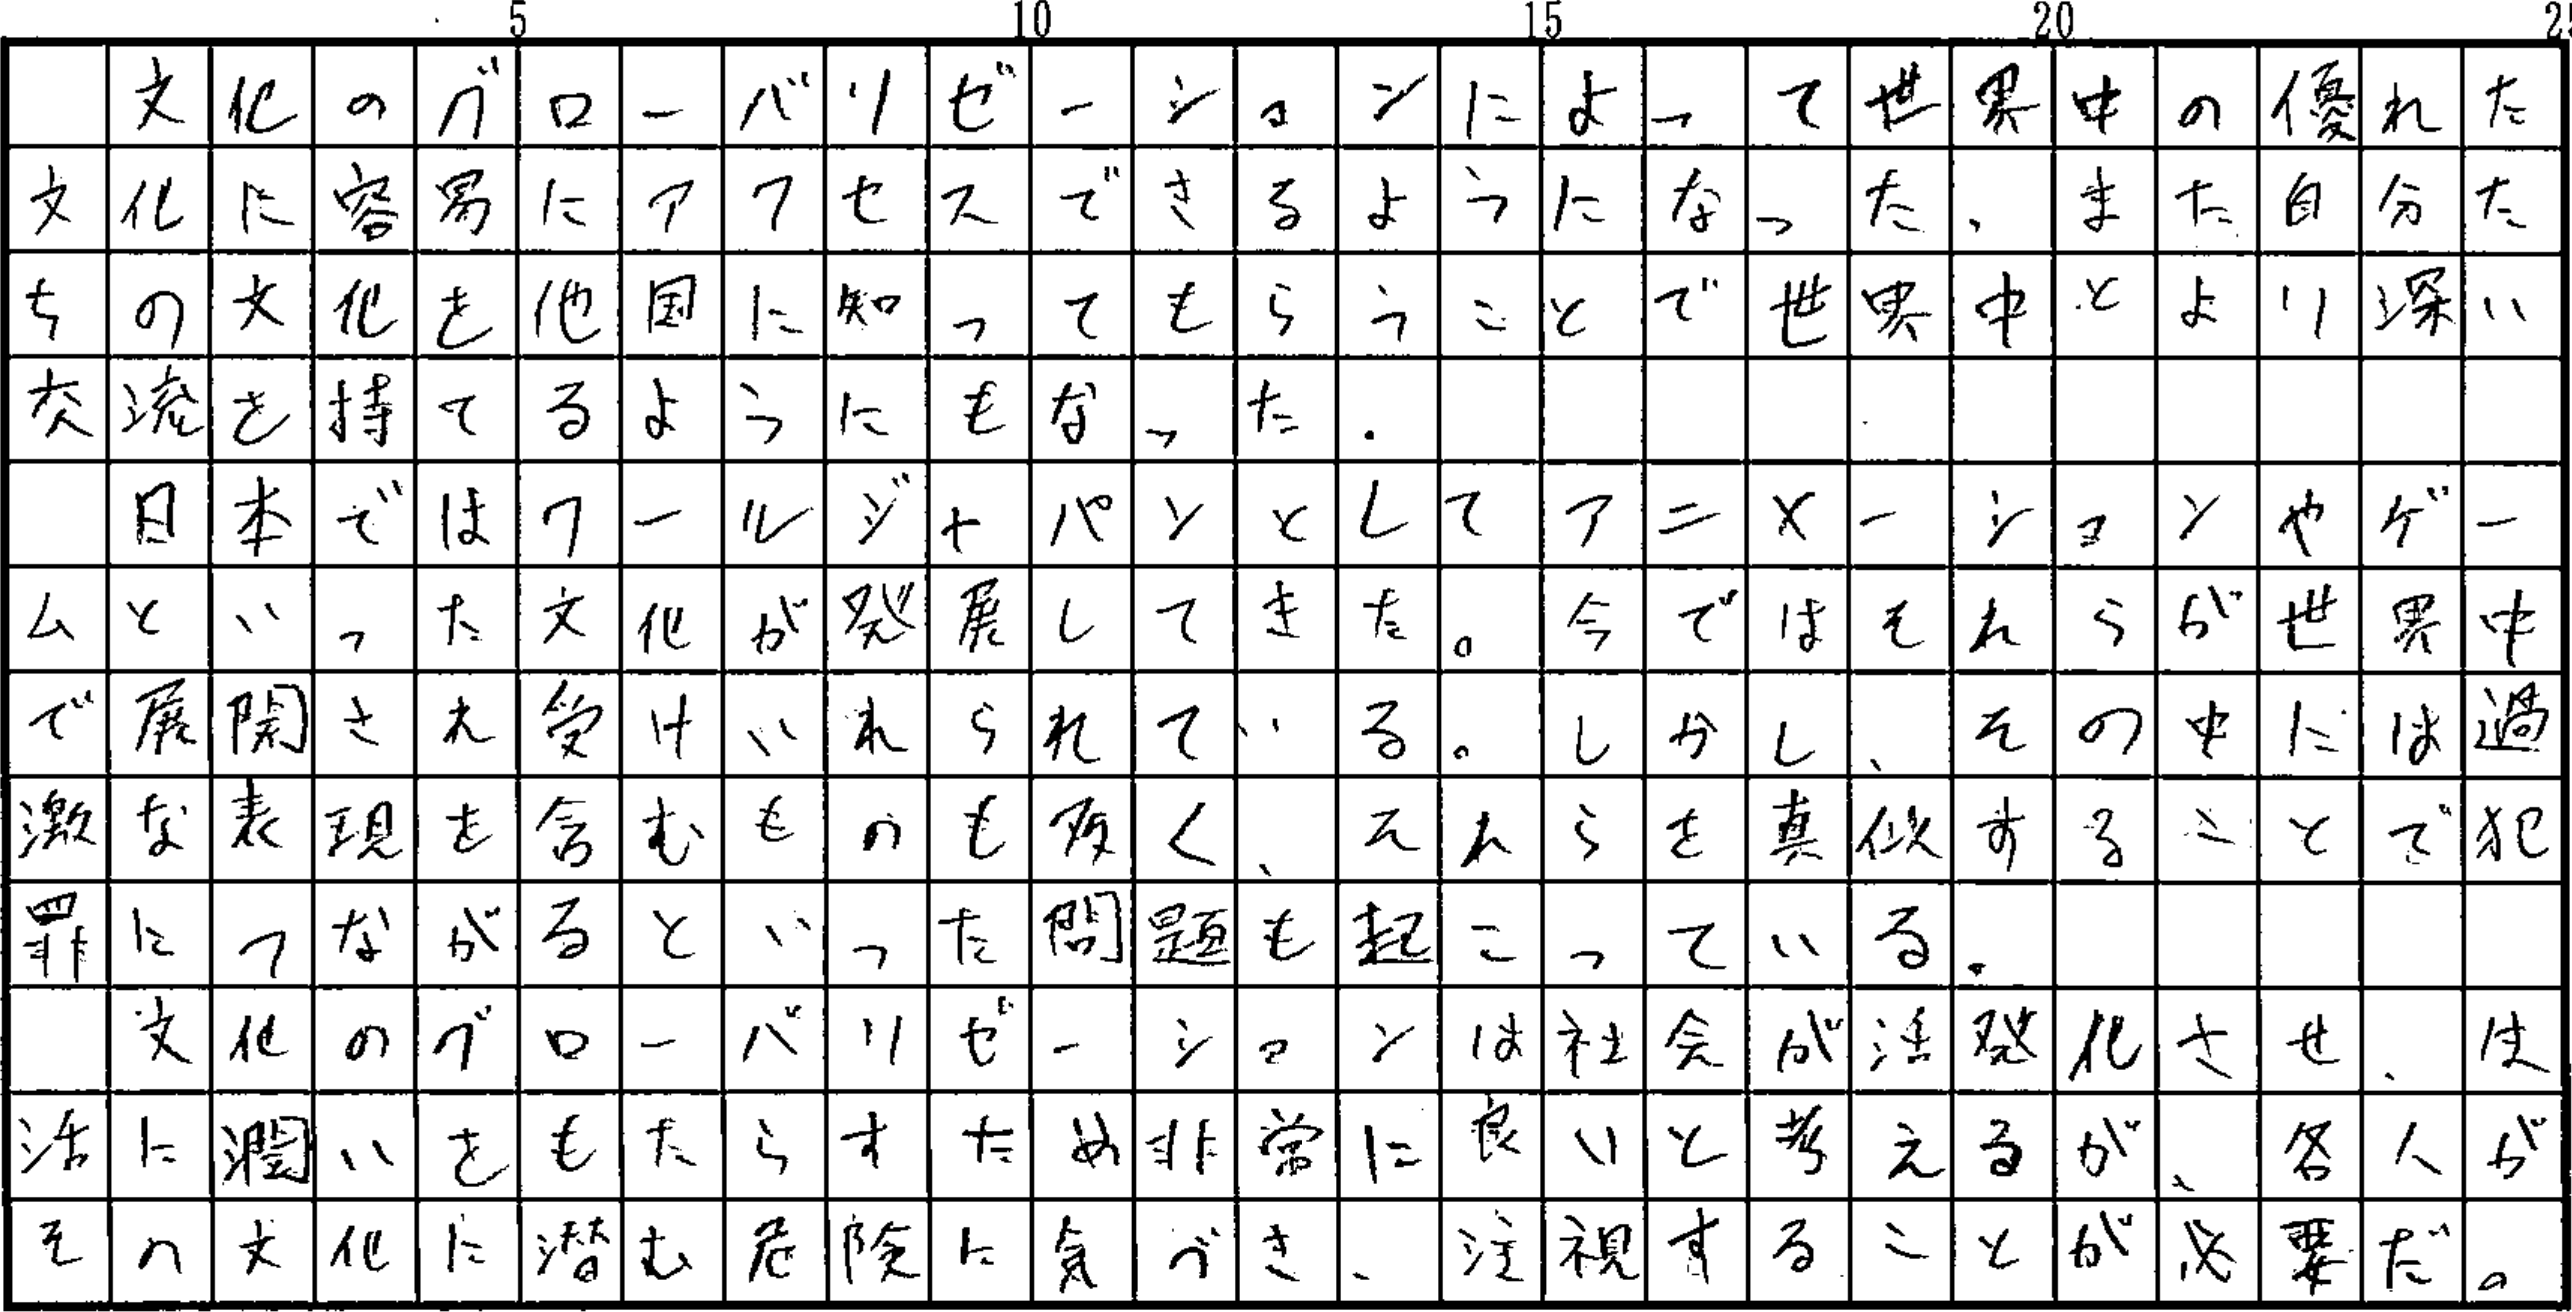　文化のグローバリゼーションによって世界中の優れた文化に容易にアクセスできるようになった。また自分たちの文化を他国に知ってもらうことで世界中とよりよい深い交流を持てるようにもなった。
　日本ではクールジャパンとしてアニメーションやゲームといった文化が発展してきた。今ではそれらが世界中で展開され受けいれられている。しかし、その中には過激な表現を含むものも多く、それらを真似することで犯罪につながるといった問題も起こっている。
　文化のグローバリゼーションは社会が活発化させ、生活に潤いをもたらすため非常に良いと考えるが、各人がその文化に潜む危険に気づき、注視することが必要だ。
